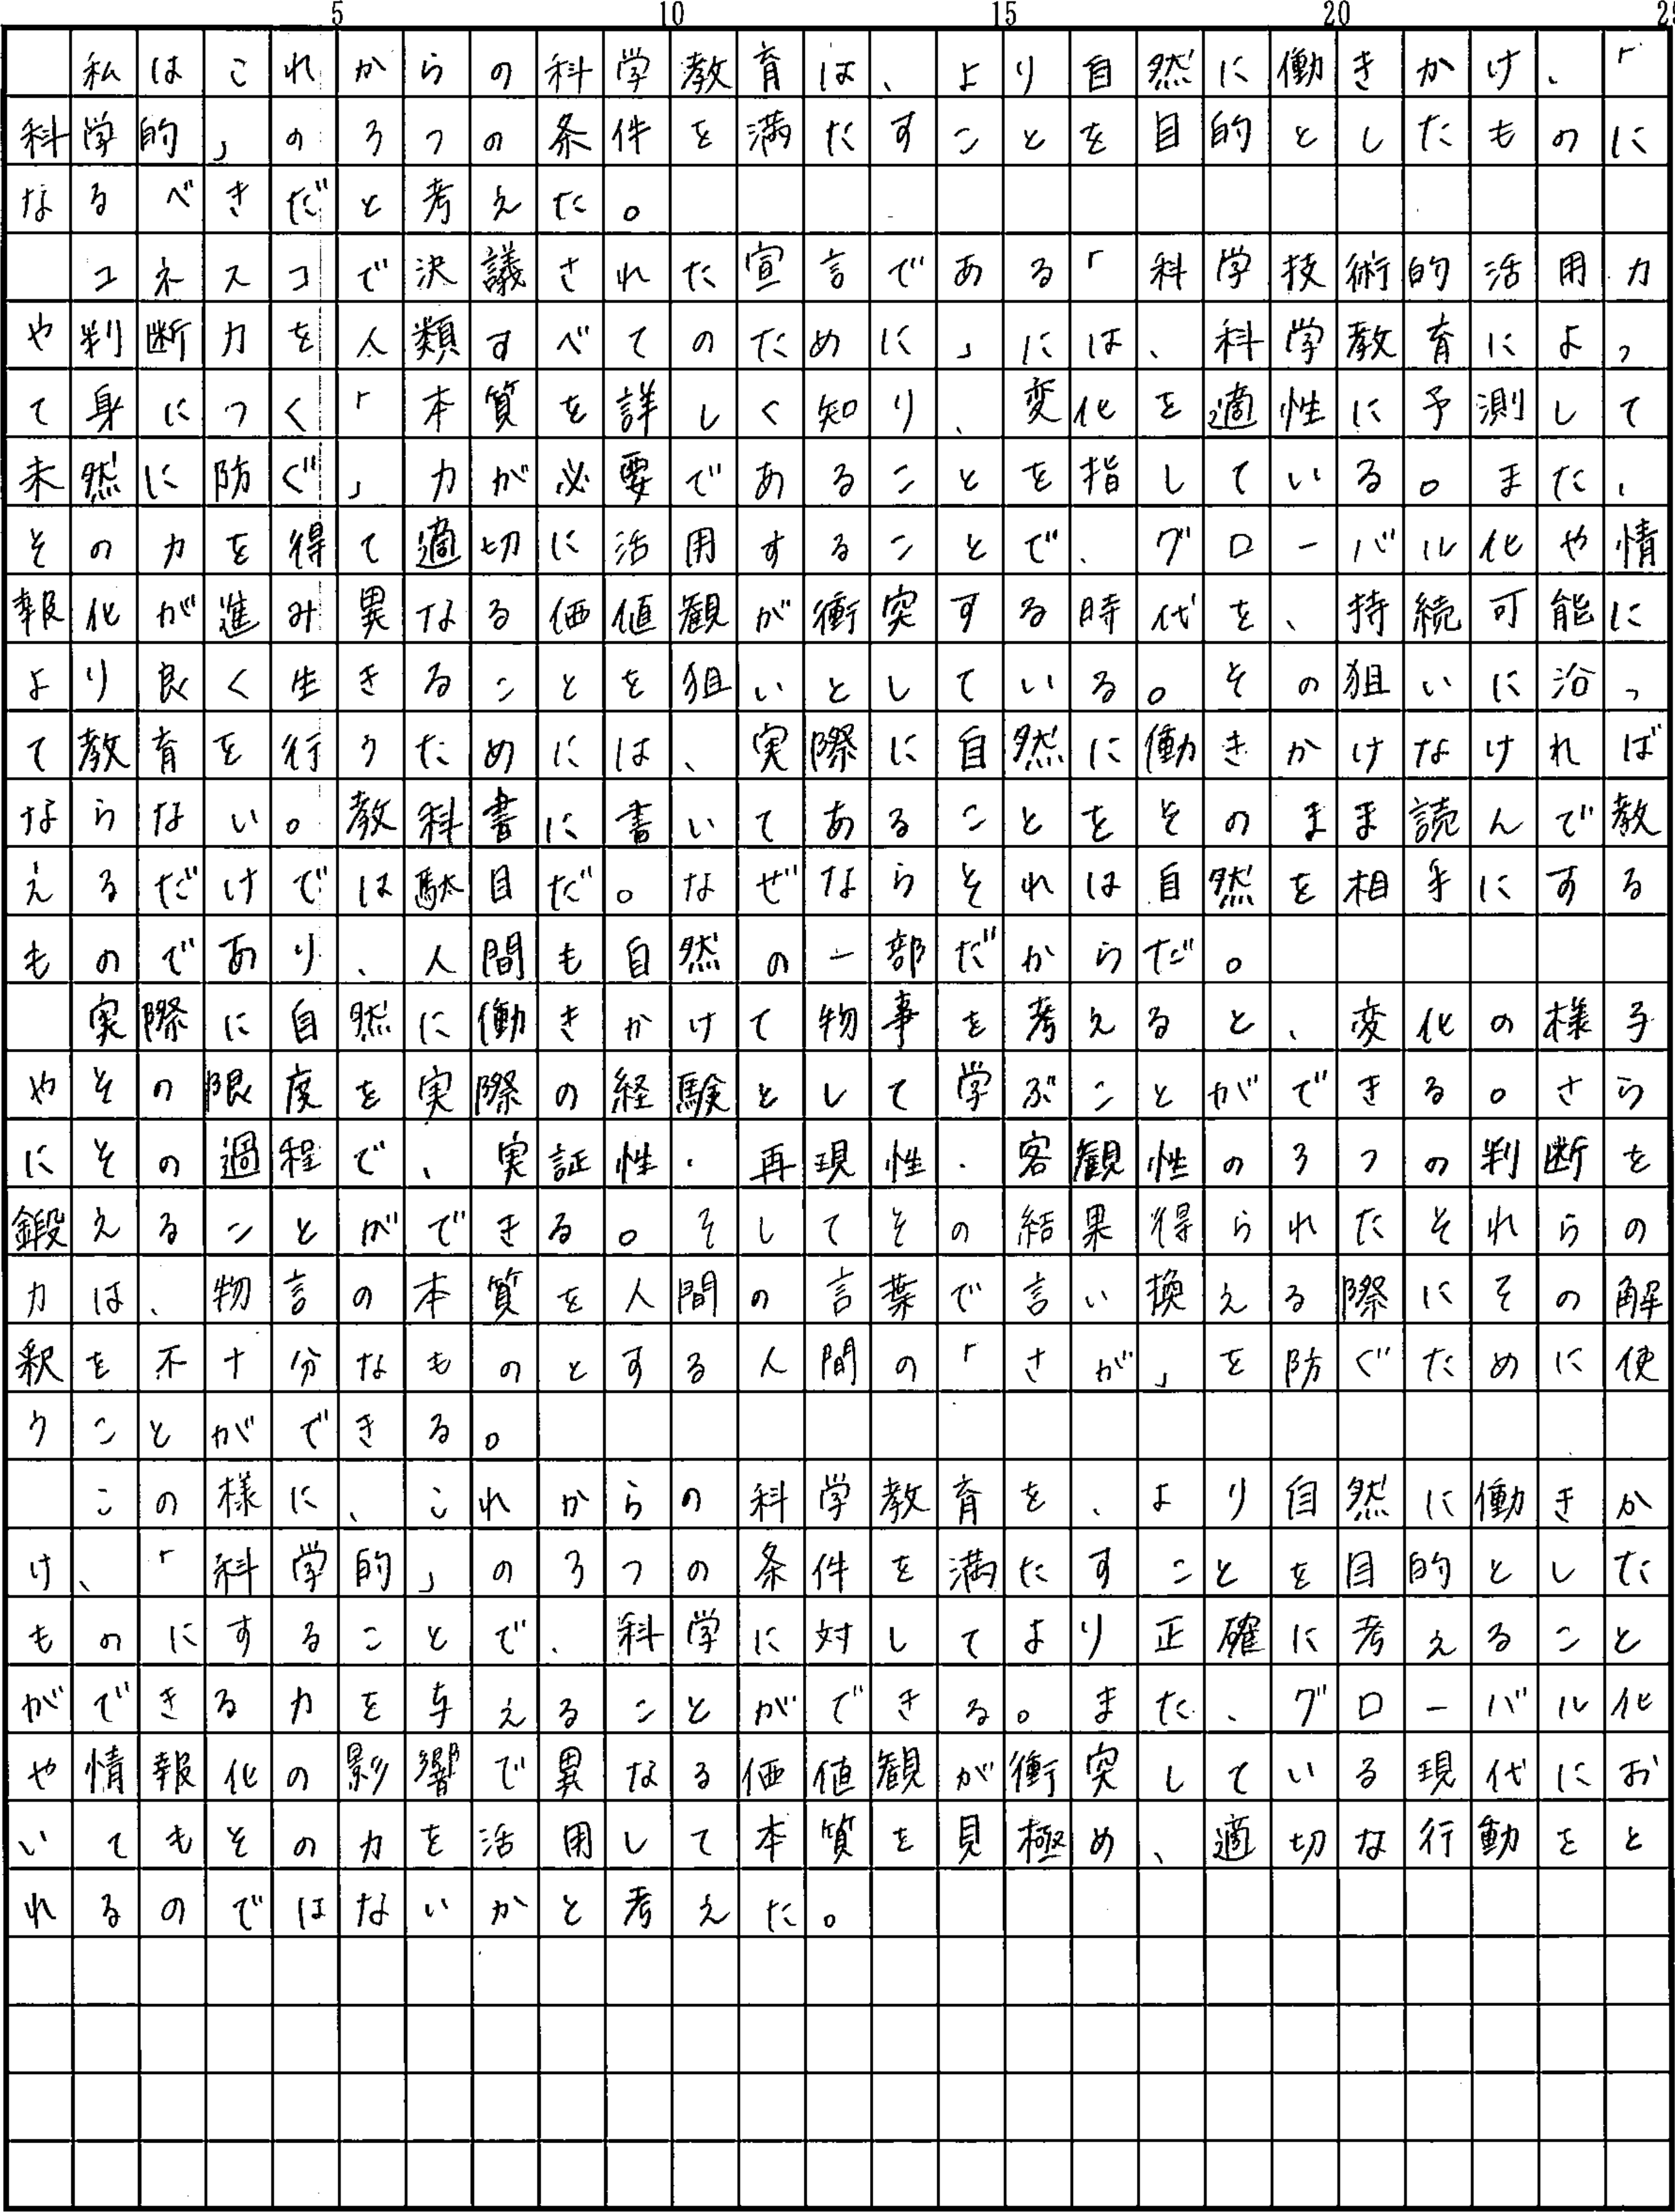　私はこれからの科学教育は、より自然に働きかけ、「科学的」の３つの条件を満たすことを目的としたものになるべきだと考えた。
　ユネスコで決議された宣言である「科学技術的活用力や判断力を人類すべてのために」には、科学教育によって身につく「本質を詳しく知り、変化を適性に予測して未然に防ぐ」力が必要であることを指している。また、その力を得て適切に活用することで、グローバル化や情報化が進み異なる価値観が衝突する時代を、持続可能により良く生きることを狙いとしている。その狙いに沿って教育を行うためには、実際に自然に働きかけなければならない。教科書に書いてあることをそのまま読んで教えるだけでは駄目だ。なぜならそれは自然を相手にするものであり、人間も自然の一部だからだ。
　実際に自然に働きかけて物事を考えると、変化の様子やその限度を実際の経験として学ぶことができる。さらにその過程で、実証性・再現性・客観性の３つの判断を鍛えることができる。そしてその結果得られたそれらの力は、物言の本質を人間の言葉で言い換える際にその解釈を不十分なものとする人間の「さが」を防ぐために使うことができる。
　この様に、これからの科学教育を、より自然に働きかけ、「科学的」の３つの条件を満たすことを目的としたものにすることで、科学に対してより正確に考えることができる力を与えることができる。また、グローバル化や情報化の影響で異なる価値観が衝突している現代においてもその力を活用して本質を見極め、適切な行動をとれるのではないかと考えた。
